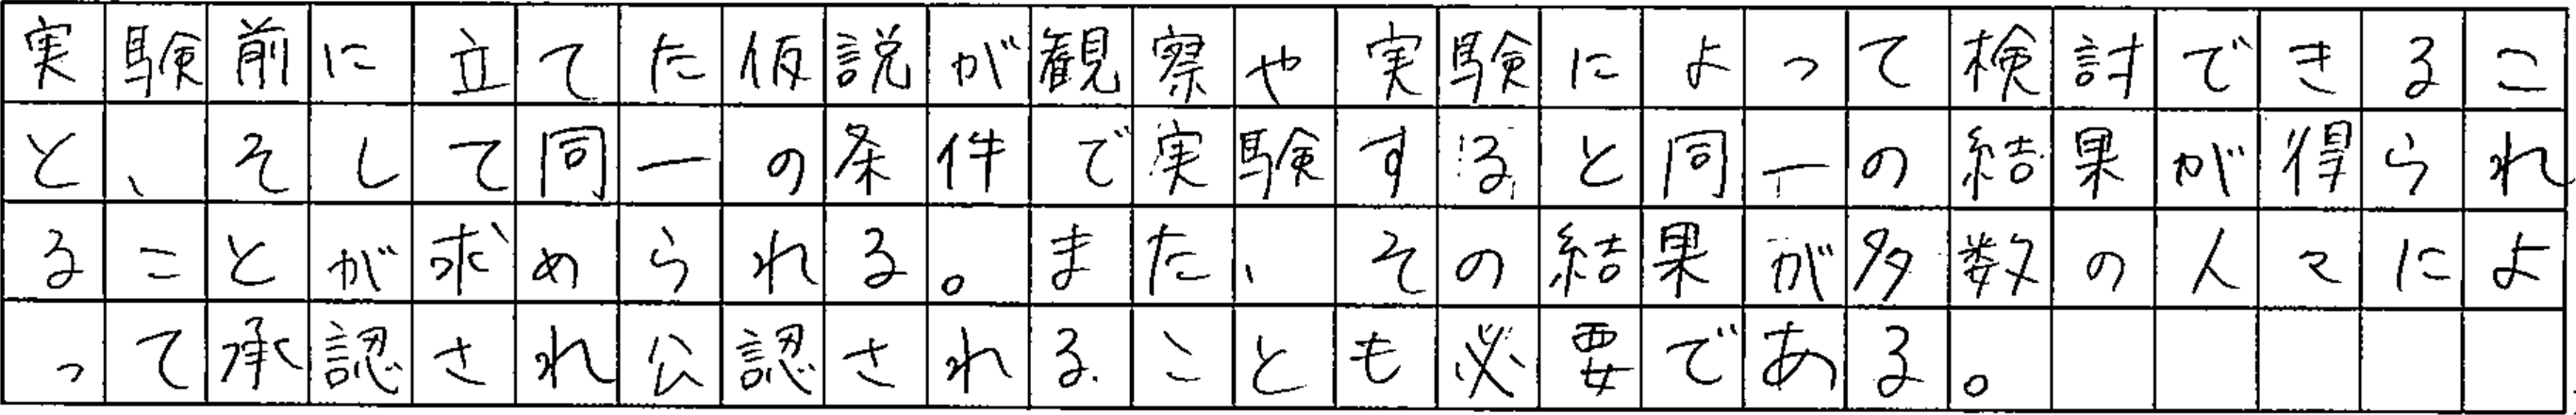実験前に立てた仮説が観察や実験によって検討できること、そして同一の条件で実験すると同一の結果が得られることが求められる。また、その結果が多数の人々によって承認され公認されることも必要である。
